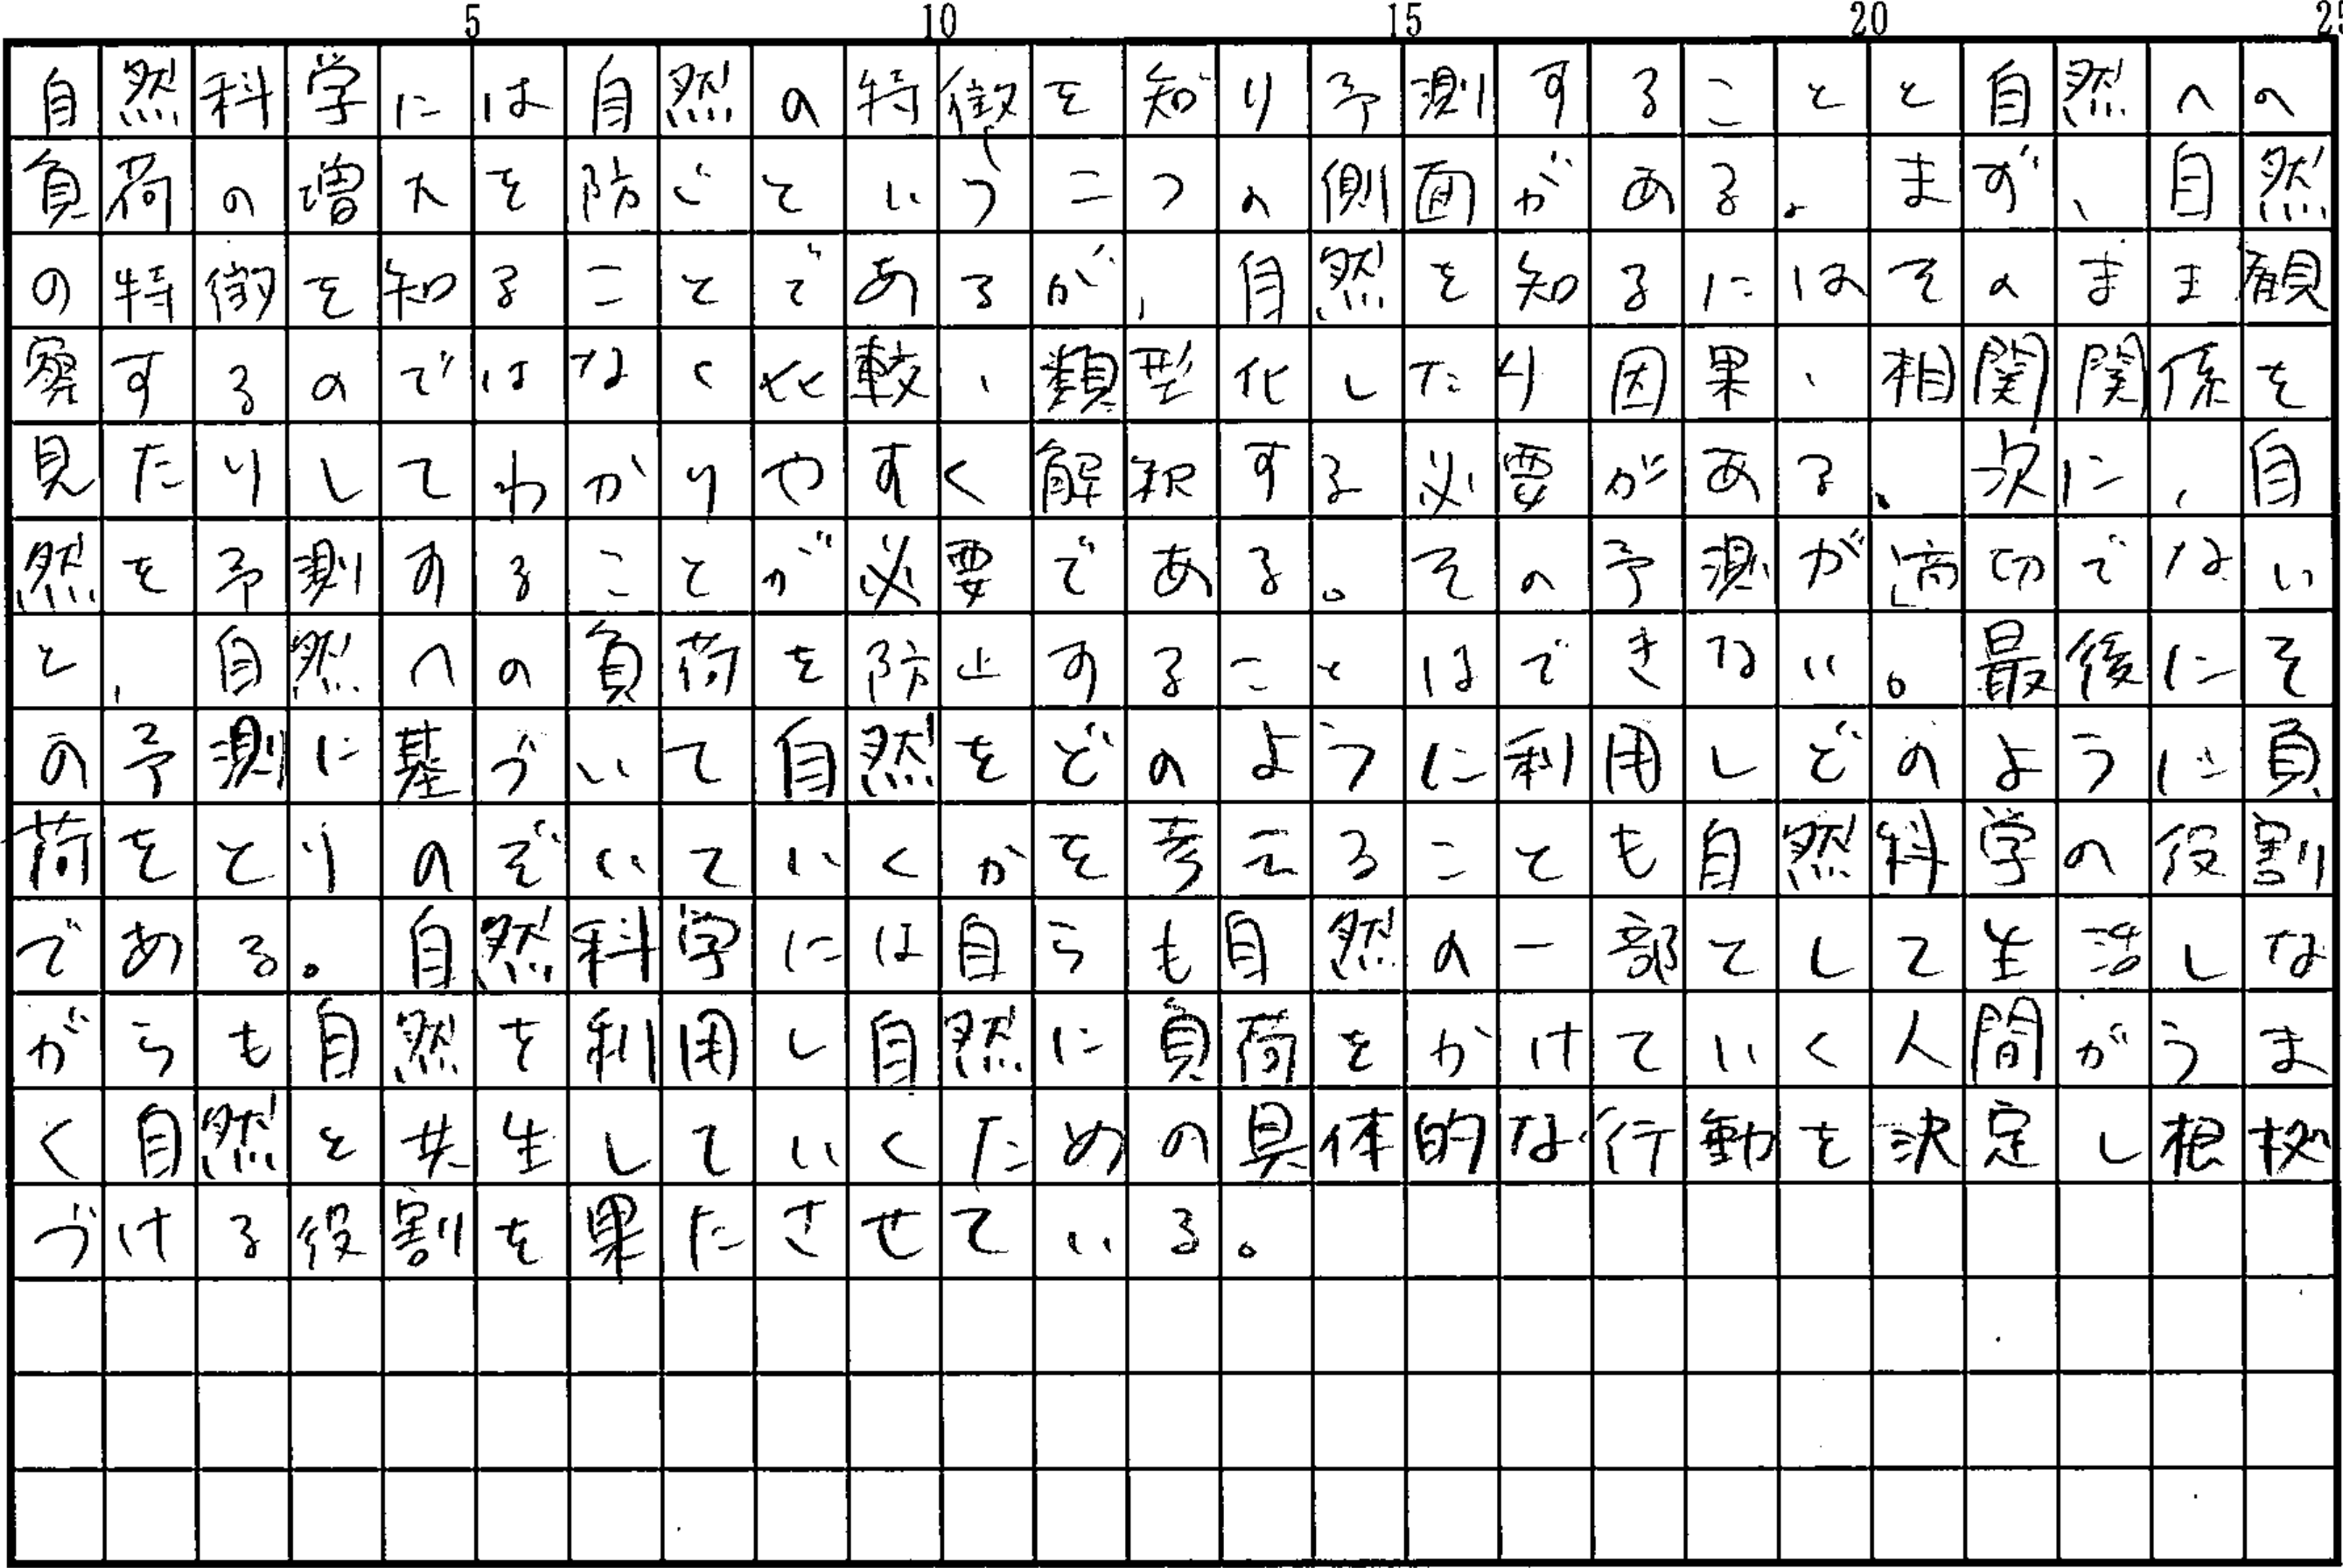自然科学には自然の特徴を知り予測することと自然への負荷の増大を防ぐという二つの側面がある。まず、自然の特徴を知ることであるが、自然を知るにはそのまま観察するのではなく比較・類型化したり因果・相関関係を見たりしてわかりやすく解釈する必要がある。次に、自然を予測することが必要である。その予測が適切でないと、自然への負荷を防止することはできない。最後にその予測に基づいて自然をどのように利用しどのように負荷をとりのぞいていくかを考えることも自然科学の役割である。自然科学には自らも自然の一部として生活しながらも自然を利用し自然に負荷をかけていく人間がうまく自然と共生していくための具体的な行動を決定し根拠づける役割を果たさせている。
